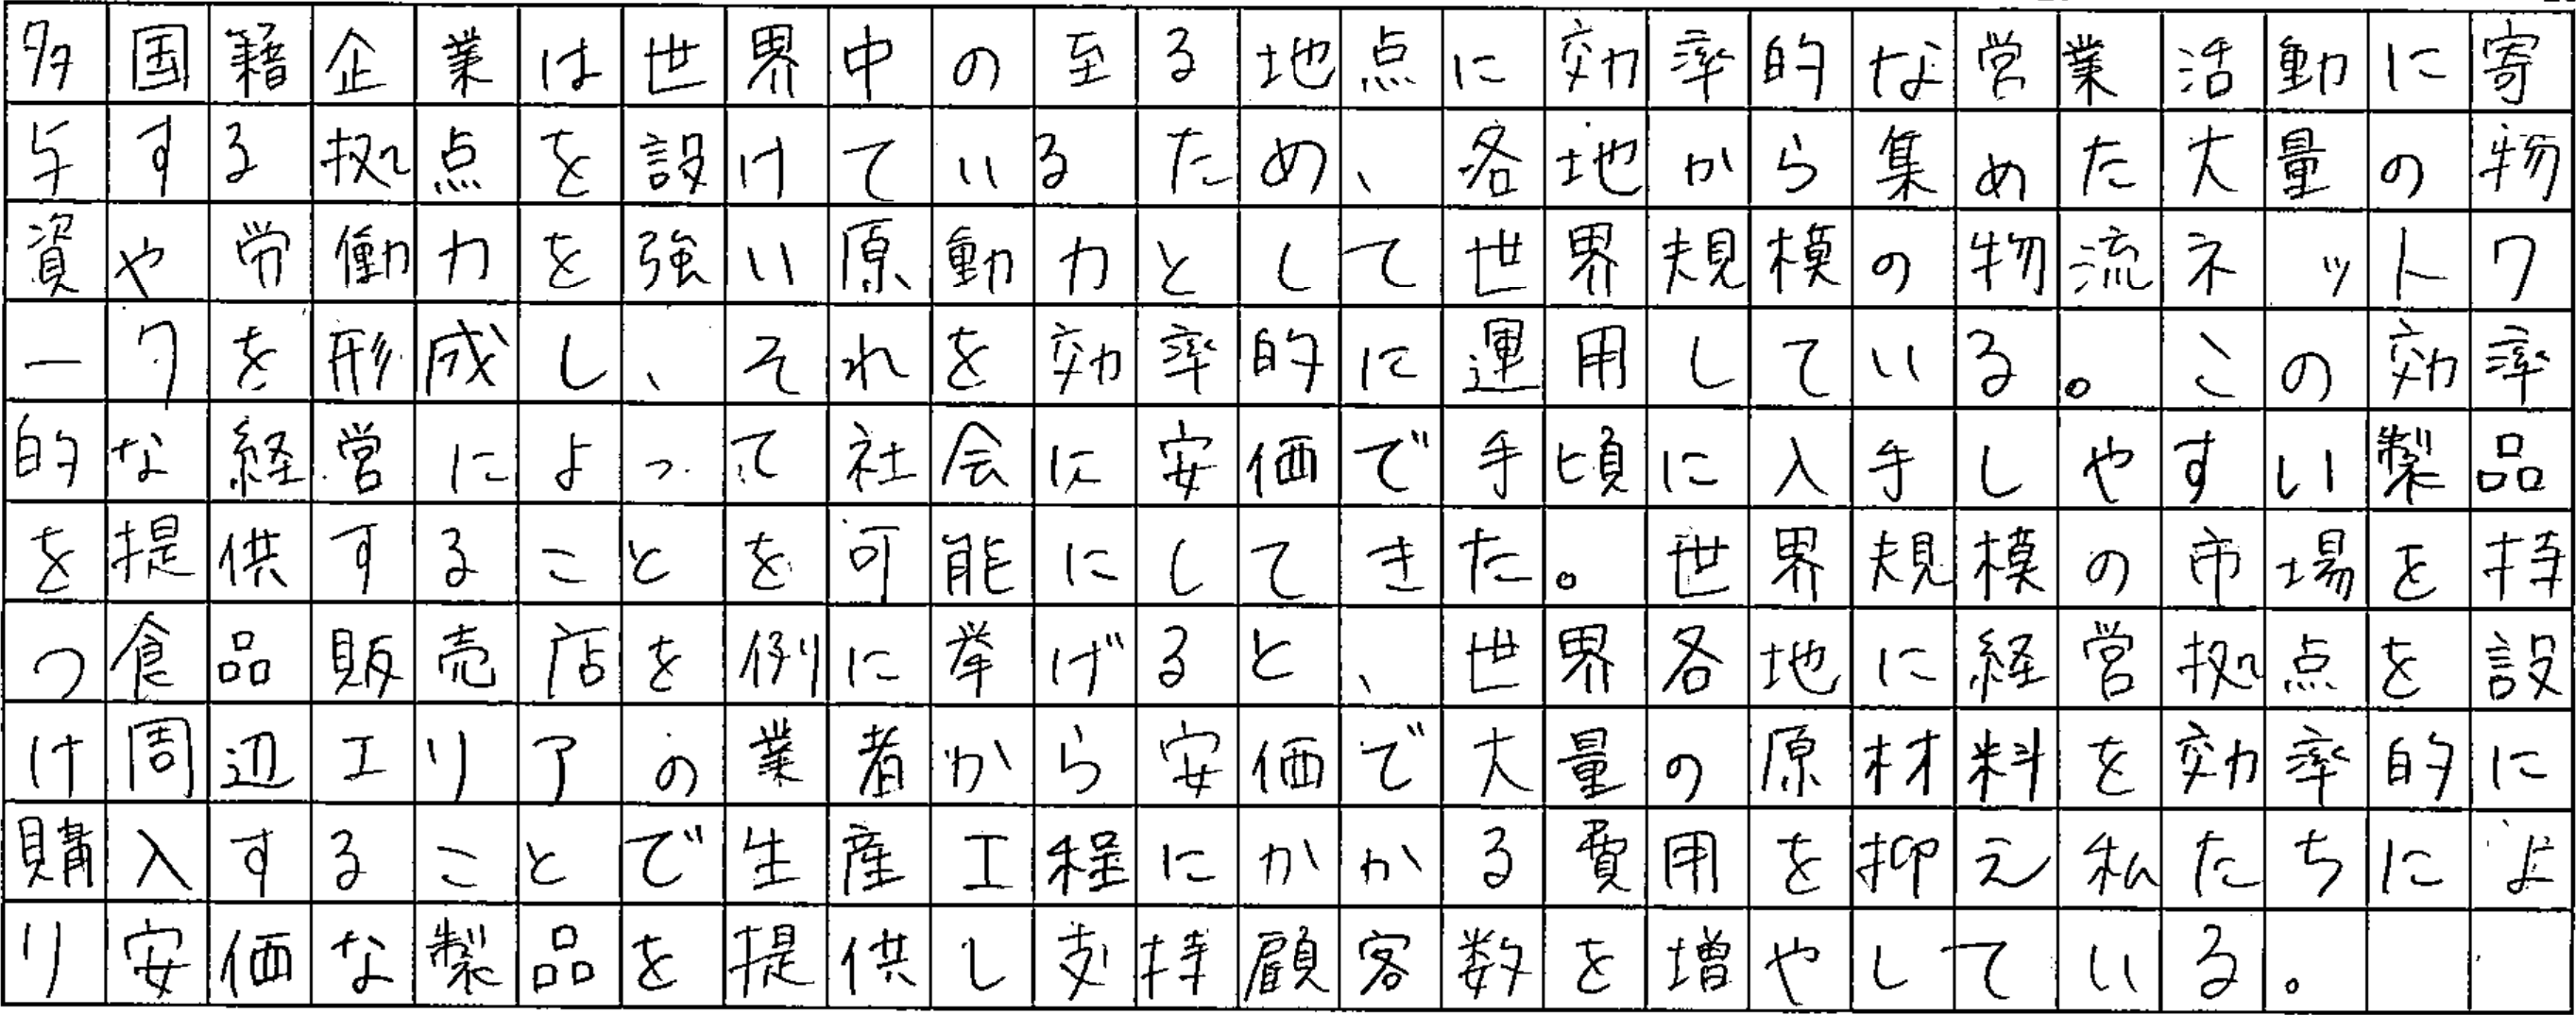多国籍企業は世界中の至る地点に効率的な営業活動に寄与する拠点を設けているため、各地から集めた大量の物資や労働力を強い原動力として世界規模の物流ネットワークを形成し、それを効率的に運用している。この効率的な経営によって社会に安価で手頃に入手しやすい製品を提供することを可能にしてきた。世界規模の市場を持つ食品販売店を例に挙げると、世界各地に経営拠点を設け周辺エリアの業者から安価で大量の原材料を効率的に購入することで生産工程にかかる費用を抑え私たちにより安価な製品を提供し支持顧客数を増やしている。
